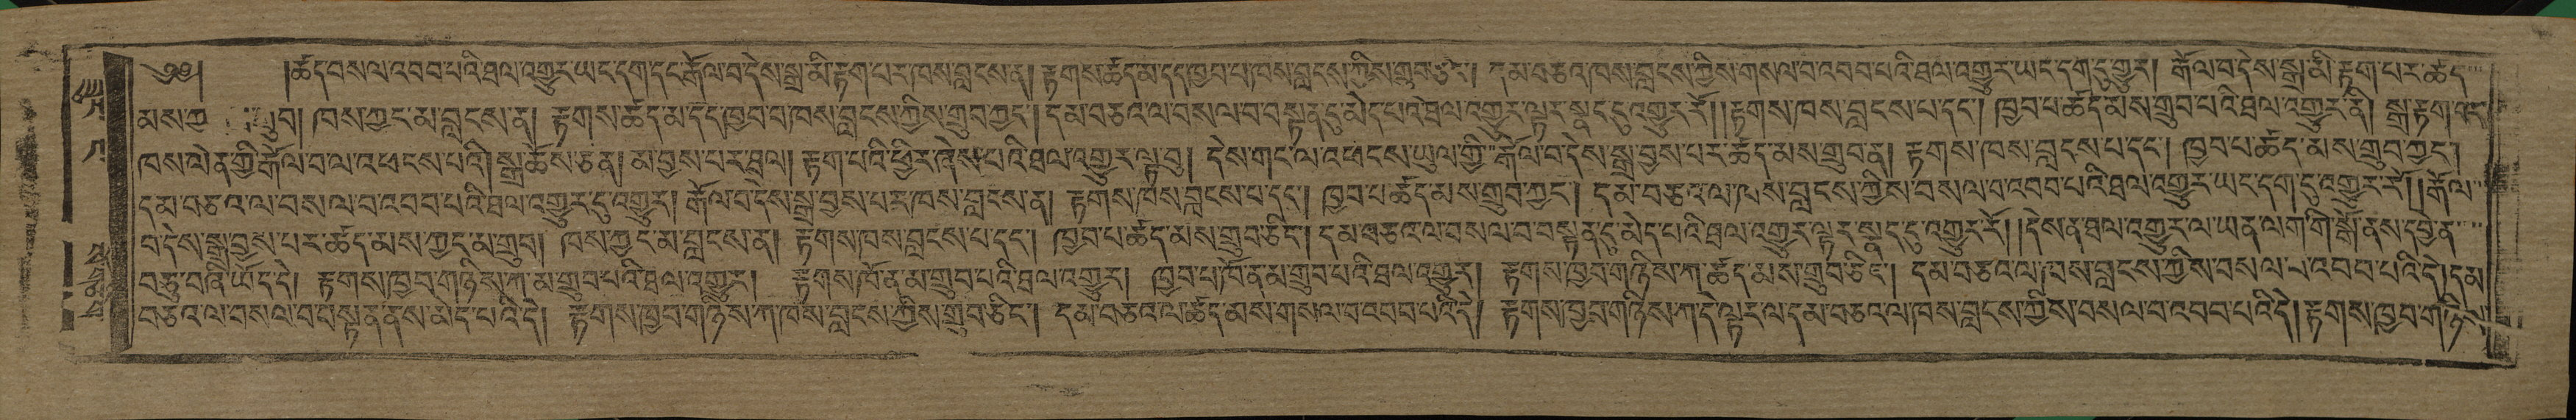༄༅། །ཚད་བསལ་འབབ་པའི་ཐལ་འགྱུར་ཡང་དག་དང་རྒོལ་བ་དེས་སྒྲ་མི་རྟག་པར་ཁས་བླངས་ན། རྟགས་ཚད་མ་དང་ཁྱབ་པ་ཁས་བླངས་ཀྱིས་གྲུབ་ཅིང་། དམ་བཅའ་ཁས་བླངས་ཀྱིས་གསལ་བ་འབབ་པའི་ཐལ་འགྱུར་ཡང་དག་དུ་གྱུར། རྒོལ་བ་དེས་སྒྲ་མི་རྟག་པར་ཚད་
མས་ཀྱི་མ་གྲུབ། ཁས་ཀྱང་མ་བླངས་ན། རྟགས་ཚད་མ་དང་ཁྱབ་པ་ཁས་བླངས་ཀྱིས་གྲུབ་ཀྱང་། དམ་བཅའ་ལ་བསལ་བ་བསྟན་དུ་མེད་པའི་ཐལ་འགྱུར་ལྟར་སྣང་དུ་འགྱུར་རོ། །རྟགས་ཁས་བླངས་པ་དང་། ཁྱབ་པ་ཚད་མས་གྲུབ་པའི་ཐལ་འགྱུར་ནི། སྒྲ་རྟག་པར་
ཁས་ལེན་གྱི་རྒོལ་བ་ལ་འཕངས་པའི། སྒྲ་ཆོས་ཅན། མ་བྱས་པར་ཐལ། རྟག་པའི་ཕྱིར་ཞེས་པའི་ཐལ་འགྱུར་ལྟ་བུ། དེས་གང་ལ་འཕངས་ཡུལ་གྱི་རྒོལ་བ་དེས་སྒྲ་བྱས་པར་ཚད་མས་གྲུབ་ན། རྟགས་ཁས་བླངས་པ་དང་། ཁྱབ་པ་ཚད་མས་གྲུབ་ཀྱང་།
དམ་བཅའ་ལ་བསལ་བ་འབབ་པའི་ཐལ་འགྱུར་དུ་འགྱུར། རྒོལ་བ་དེས་སྒྲ་བྱས་པར་ཁས་བླངས་ན། རྟགས་ཁས་བླངས་པ་དང་། ཁྱབ་པ་ཚད་མས་གྲུབ་ཀྱང་། དམ་བཅའ་ལ་ཁས་བླངས་ཀྱིས་བསལ་བ་འབབ་པའི་ཐལ་འགྱུར་ཡང་དག་དུ་འགྱུར་རོ། །རྒོལ་
བ་དེས་སྒྲ་བྱས་པར་ཚད་མས་ཀྱང་མ་གྲུབ། ཁས་ཀྱང་མ་བླངས་ན། རྟགས་ཁས་བླངས་པ་དང་། ཁྱབ་པ་ཚད་མས་གྲུབ་ཅིང་། དམ་བཅའ་ལ་བསལ་བ་བསྟན་དུ་མེད་པའི་ཐལ་འགྱུར་ལྟར་སྣང་དུ་འགྱུར་རོ། །དེས་ན་ཐལ་འགྱུར་ལ་ཡན་ལག་གི་སྒོ་ནས་དབྱེ་ན་
བཅུ་བཞི་ཡོད་དེ། རྟགས་ཁྱབ་གཉིས་ཀ་མ་གྲུབ་པའི་ཐལ་འགྱུར། རྟགས་ཁོ་ན་མ་གྲུབ་པའི་ཐལ་འགྱུར། ཁྱབ་པ་ཁོ་ན་མ་གྲུབ་པའི་ཐལ་འགྱུར། རྟགས་ཁྱབ་གཉིས་ཀ་ཚད་མས་གྲུབ་ཅིང་། དམ་བཅའ་ལ་ཁས་བླངས་ཀྱིས་བསལ་བ་འབབ་པའི་དེ། དམ་
བཅའ་ལ་བསལ་བ་བསྟན་ནས་མེད་པའི་དེ། རྟགས་ཁྱབ་གཉིས་ཀ་ཁས་བླངས་ཀྱིས་གྲུབ་ཅིང་། དམ་བཅའ་ལ་ཚད་མས་གསལ་བ་འབབ་པའི་དེ། རྟགས་ཁྱབ་གཉིས་ཀ་དེ་ལྟར་ལ་དམ་བཅའ་ལ་ཁས་བླངས་ཀྱིས་བསལ་བ་འབབ་པའི་དེ། རྟགས་ཁྱབ་གཉིས་